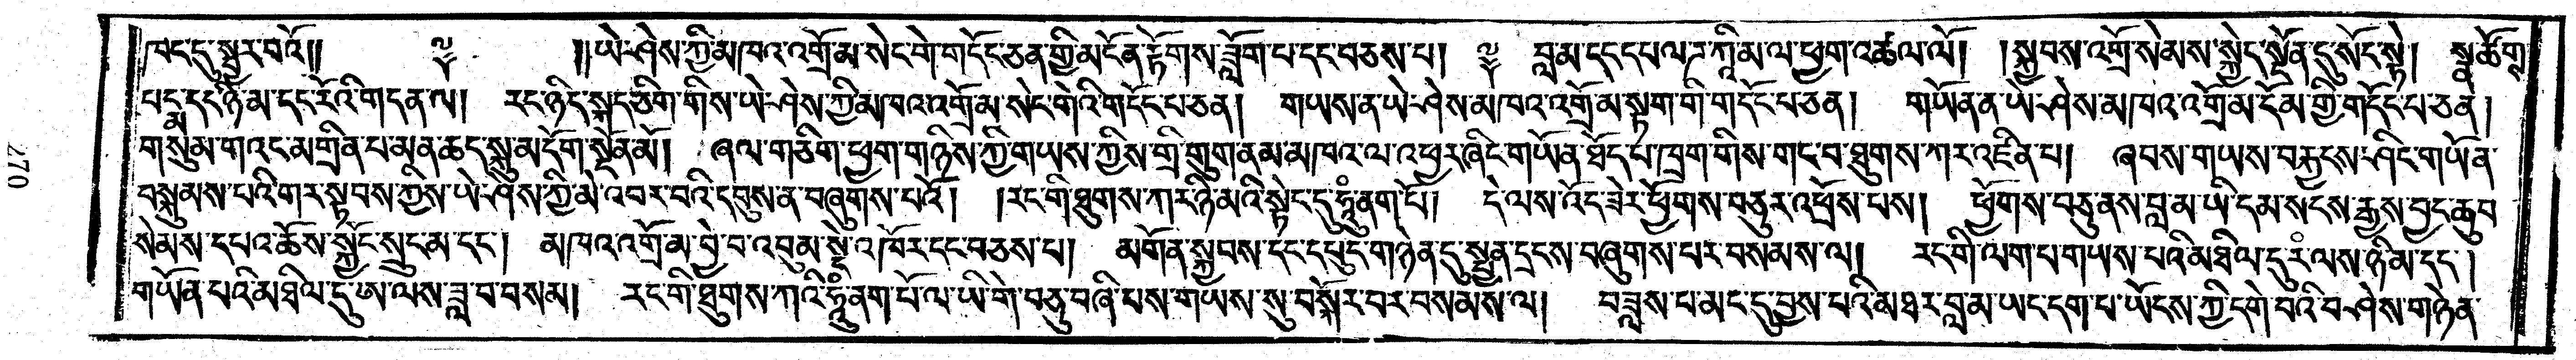ཁང་དུ་སྦྱར་བའོ།། ༈ །།ཡེ་ཤེས་ཀྱི་མཁའ་འགྲོ་མ་སེང་གེ་གདོང་ཅན་གྱི་མངོན་རྟོགས་ཟློག་པ་དང་བཅས་པ། ༈ བླ་མ་དང་དཔལ་ཌ་ཀཱི་མ་ལ་ཕྱག་འཚལ་ལོ། །སྐྱབས་འགྲོ་སེམས་སྐྱེད་སྔོན་དུ་སོང་སྟེ། སྣ་ཚོགས་
པདམ་དང་ཉི་མ་དང་རོའི་གདན་ལ། རང་ཉིད་སྐད་ཅིག་གིས་ཡེ་ཤེས་ཀྱི་མཁའ་འགྲོ་མ་སེང་གེའི་གདོང་པ་ཅན། གཡས་ན་ཡེ་ཤེས་མཁའ་འགྲོ་མ་སྟག་གི་གདོང་པ་ཅན། གཡོན་ན་ཡེ་ཤེས་མཁའ་འགྲོ་མ་དོམ་གྱི་གདོང་པ་ཅན།
གསུམ་གའང་མགྲིན་པ་མན་ཆད་སྐུ་མདོག་སྔོན་མོ། ཞལ་གཅིག་ཕྱག་གཉིས་ཀྱི་གཡས་ཀྱིས་གྲི་གུག་ནམ་མཁའ་ལ་འཕྱར་ཞིང་གཡོན་ཐོད་པ་ཁྲག་གིས་གང་བ་ཐུགས་ཀར་འཛིན་པ། ཞབས་གཡས་བརྐྱངས་ཤིང་གཡོན་
བསྐུམས་པའི་གར་སྟབས་ཀྱིས་ཡེ་ཤེས་ཀྱི་མེ་འབར་བའི་དབུས་ན་བཞུགས་པའོ། །རང་གི་ཐུགས་ཀར་ཉི་མའི་སྟེང་དུ་ཧཱུཾ་ནག་པོ། དེ་ལས་འོད་ཟེར་ཕྱོགས་བཅུར་འཕྲོས་པས། ཕྱོགས་བཅུ་ནས་བླ་མ་ཡི་དམ་སངས་རྒྱས་བྱང་ཆུབ་
སེམས་དཔའ་ཆོས་སྐྱོང་སྲུང་མ་དང་། མཁའ་འགྲོ་མ་བྱེ་བ་འབུམ་སྡེ་འཁོར་དང་བཅས་པ། མགོན་སྐྱབས་དང་དཔུང་གཉེན་དུ་སྤྱན་དྲངས་བཞུགས་པར་བསམས་ལ། རང་གི་ལག་པ་གཡས་པའི་མཐིལ་དུ་རཾ་ལས་ཉི་མ་དང་།
གཡོན་པའི་མཐིལ་དུ་ཨ་ལས་ཟླ་བ་བསམ། རང་གི་ཐུགས་ཀའི་ཧཱུཾ་ནག་པོ་ལ་ཡི་གེ་བཅུ་བཞི་པས་གཡས་སུ་བསྐོར་བར་བསམས་ལ། བཟླས་པ་མང་དུ་བྱས་པའི་མཐར་བླ་མ་ཡང་དག་པ་ཡོངས་ཀྱི་དགེ་པའི་བཤེས་གཉེན་